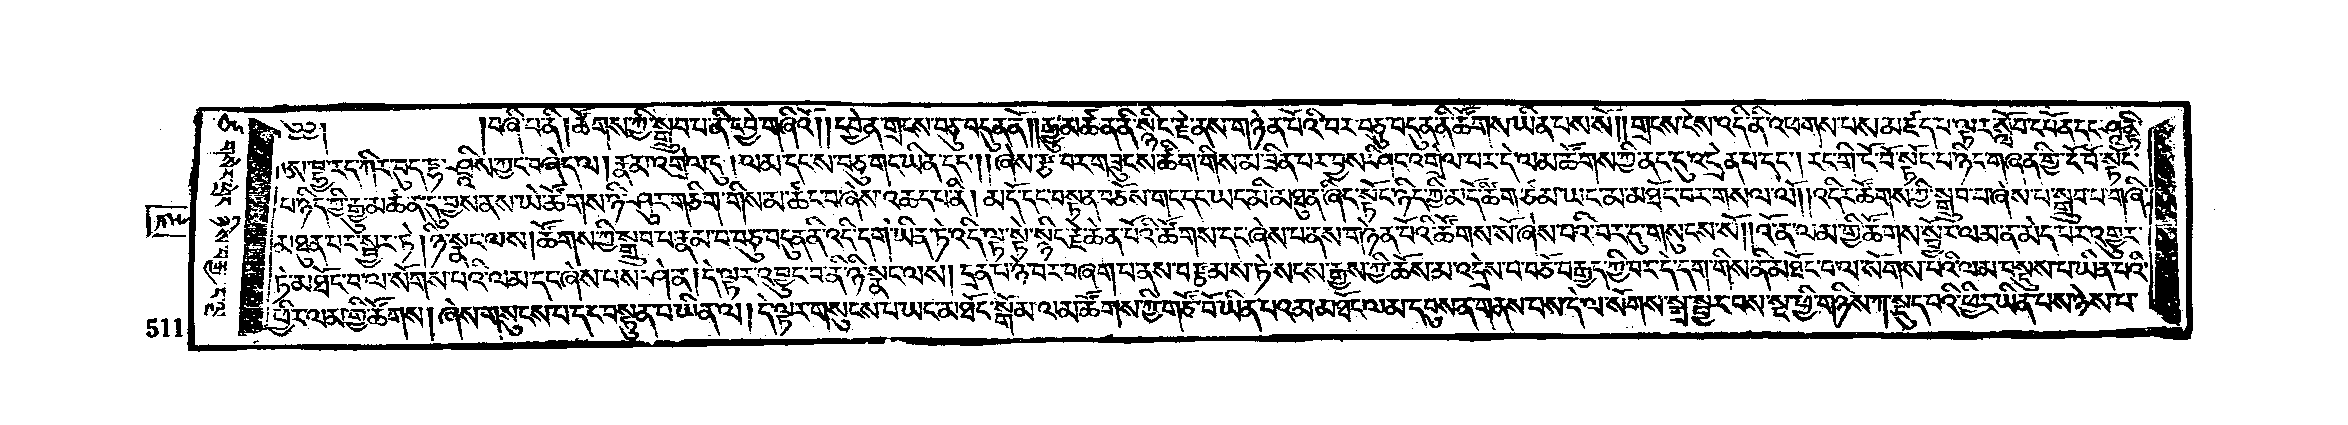༄༅། །བཞི་པ་ནི། ཚོགས་ཀྱི་སྒྲུབ་པ་ནི་དབྱེ་གཞིའོ། །དབྱེ་ན་གྲངས་བཅུ་བདུན་ནོ། །རྒྱུ་མཚན་ནི་སྙིང་རྗེ་ནས་གཉེན་པོའི་བར་བཅུ་བདུན་ནི་ཚོགས་ཡིན་པས་སོ། །གྲངས་ངེས་འདི་ནི་འཕགས་པས་མཛད་པ་ལྟར་སློབ་དཔོན་དང་ཤཱནྟི་
ཨ་བྷྱ་རད་ཀིར་བུད་དྷ་ཤྲཱིས་ཀྱང་བཞེད་ལ། རྣམ་འགྲེལ་དུ། ལམ་དང་ས་བཅུ་གང་ཡིན་དང་། །ཞེས་རྩ་བར་གཟུངས་ཚིག་གིས་མ་ཟིན་པར་བྱས་ཤིང་འགྲེལ་པར་དེ་ལམ་ཚོགས་ཀྱི་ནང་དུ་འདྲེན་པ་དང་། རང་གི་ངོ་བོ་སྟོང་པ་ཉིད་གཞན་གྱི་ངོ་བོ་སྟོང་
པ་ཉིད་ཀྱི་རྒྱུ་མཚན་དུ་བྱས་ནས་ཡེ་ཚོགས་ཉི་ཤུར་གཅིག་གིས་མ་ཚང་བ་ཞེས་འཆད་པ་ནི། མདོ་དང་བསྟན་བཅོས་གང་དང་ཡང་མི་མཐུན་ཞིང་སྟོང་ཉིད་ཀྱི་མདོ་ཚིག་ཙམ་ཡང་མ་མཐོང་བར་གསལ་ལོ། །འདིར་ཚོགས་ཀྱི་སྒྲུབ་པ་ཞེས་པ་སྒྲུབ་པ་གཞི་
མཐུན་པར་སྦྱར་ཏེ། ཉི་སྣང་ལས། ཚོགས་ཀྱི་སྒྲུབ་པ་རྣམ་པ་བཅུ་བདུན་ནི་འདི་དག་ཡིན་ཏེ་འདི་ལྟ་སྟེ་སྙིང་རྗེ་ཆེན་པོའི་ཚོགས་དང་ཞེས་པ་ནས་གཉེན་པོའི་ཚོགས་སོ་ཞེས་པའི་བར་དུ་གསུངས་སོ། །འོ་ན་ལམ་གྱི་ཚོགས་སྦྱོར་ལམ་ན་མེད་པར་འགྱུར་
ཏེ་མཐོང་བ་ལ་སོགས་པའི་ལམ་དང་ཞེས་པས་ཤེ་ན། དེ་ལྟར་འབྱུང་བ་ནི་ཉི་སྣང་ལས། དྲན་པ་ཉེ་བར་བཞག་པ་ནས་བརྩམས་ཏེ་སངས་རྒྱས་ཀྱི་ཆོས་མ་འདྲེས་པ་བཅོ་བརྒྱད་ཀྱི་བར་དེ་དག་གིས་ནི་མཐོང་བ་ལ་སོགས་པའི་ལམ་བསྡུས་པ་ཡིན་པའི་
ཕྱིར་ལམ་གྱི་ཚོགས། ཞེས་གསུངས་པ་དང་བསྟུན་པ་ཡིན་ལ། དེ་ལྟར་གསུངས་པ་ཡང་མཐོང་སྒོམ་ལམ་ཚོགས་ཀྱི་གཙོ་བོ་ཡིན་པའམ་མཐོང་ལམ་དབུས་ན་གནས་པས་དེ་ལ་སོགས་སྒྲ་སྦྱར་བས་སྔ་ཕྱི་གཉིས་ཀ་སྡུད་པའི་ཕྱིར་ཡིན་པས་ཉེས་པ་